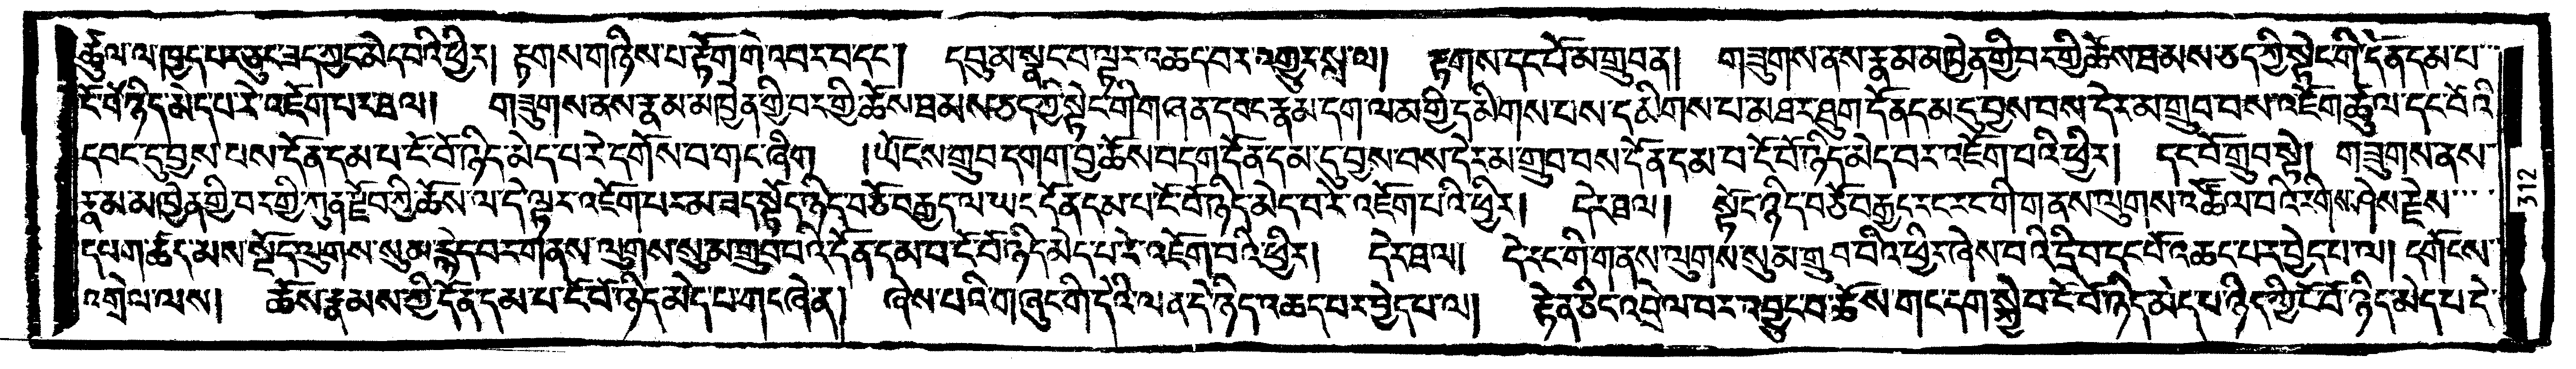ཚུལ་ལ་ཁྱད་པར་ཅུང་ཟད་ཀྱང་མེད་པའི་ཕྱིར། རྟགས་གཉིས་པ་རྟོག་གེ་འབར་བ་དང་། དབུ་མ་སྣང་བ་ལྟར་འཆད་བར་འགྱུར་སླ་ལ། རྟགས་དང་པོ་མ་གྲུབ་ན། གཟུགས་ནས་རྣམ་མཁྱེན་གྱི་བར་གྱི་ཆོས་ཐམས་ཅད་ཀྱི་སྟེང་གི་དོན་དམ་པ་
ངོ་བོ་ཉིད་མེད་པ་རེ་འཇོག་པར་ཐལ། གཟུགས་ནས་རྣམ་མཁྱེན་གྱི་བར་གྱི་ཆོས་ཐམས་ཅད་ཀྱི་སྟེང་གི་གཞན་དབང་རྣམ་དག་ལམ་གྱི་དམིགས་པས་དམིགས་པ་མཐར་ཐུག་དོན་དམ་དུ་བྱས་པས་དེར་མ་གྲུབ་པས་འཇོག་ཚུལ་དང་པོའི་
དབང་དུ་བྱས་པས་དོན་དམ་པ་ངོ་བོ་ཉིད་མེད་པ་རེ་དགོས་པ་གང་ཞིག །ཡོངས་གྲུབ་དགག་བྱ་ཆོས་བདག་དོན་དམ་དུ་བྱས་པས་དེར་མ་གྲུབ་པས་དོན་དམ་པ་ངོ་བོ་ཉིད་མེད་པར་འཇོག་པའི་ཕྱིར། དང་པོ་གྲུབ་སྟེ། གཟུགས་ནས་
རྣམ་མཁྱེན་གྱི་བར་གྱི་ཀུན་རྫོབ་ཀྱི་ཆོས་ལ་དེ་ལྟར་འཇོག་པར་མ་ཟད་སྟོང་ཉིད་བཅོ་བརྒྱད་ལ་ཡང་དོན་དམ་པ་ངོ་བོ་ཉིད་མེད་པ་རེ་འཇོག་པའི་ཕྱིར། དེར་ཐལ། སྟོང་ཉིད་བཅོ་བརྒྱད་རང་རང་གི་གནས་ལུགས་འཚོལ་བའི་རིགས་ཤེས་རྗེས་
དཔག་ཚད་མས་སྡོད་ལུགས་སུ་མ་རྙེད་པར་གནས་ལུགས་སུ་མ་གྲུབ་པའི་དོན་དམ་པ་ངོ་བོ་ཉིད་མེད་པ་རེ་འཇོག་པའི་ཕྱིར། དེར་ཐལ། དེ་རང་གི་གནས་ལུགས་སུ་མ་གྲུབ་པའི་ཕྱིར་ཞེས་པའི་དྲི་བ་དང་པོ་འཆད་པར་བྱེད་པ་ལ། དགོངས་
འགྲེལ་ལས། ཆོས་རྣམས་ཀྱི་དོན་དམ་པ་ངོ་བོ་ཉིད་མེད་པ་གང་ཞེ་ན། ཞེས་པའི་གཞུང་གི་དེའི་ལན་དེ་ཉིད་འཆད་པར་བྱེད་པ་ལ། རྟེན་ཅིང་འབྲེལ་བར་འབྱུང་བ་ཆོས་གང་དག་སྐྱེ་བ་ངོ་བོ་ཉིད་མེད་པ་ཉིད་ཀྱི་ངོ་བོ་ཉིད་མེད་པ་དེ་